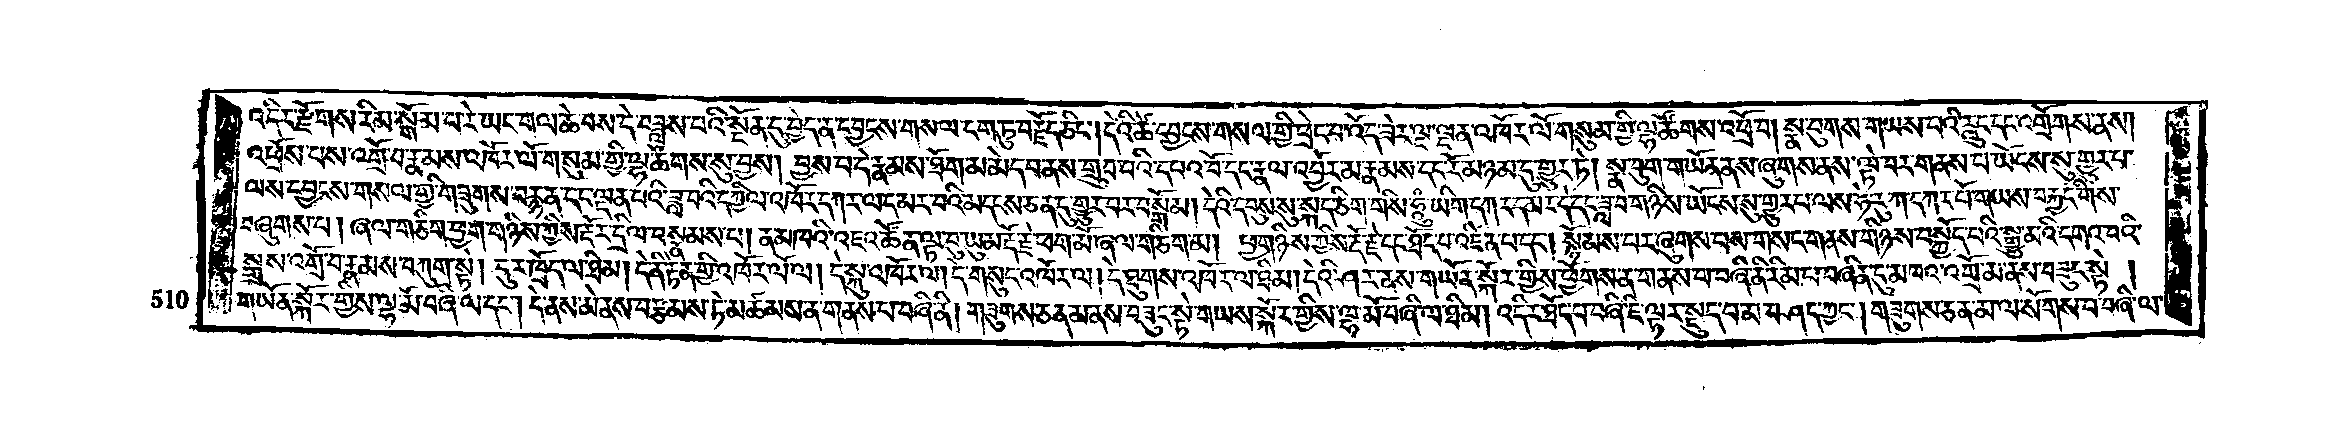འདིར་རྫོགས་རིམ་སྒོམ་པ་རེ་ཡང་གལ་ཆེ་བས་དེ་བཟླས་པའི་སྔོན་དུ་བྱེད་ན་དབྱངས་གསལ་ངག་ཏུ་བརྗོད་ཅིང་། དེའི་ཚེ་དབྱངས་གསལ་གྱི་ཕྲེང་བ་འོད་ཟེར་ལྔ་ལྡན་འཁོར་ལོ་གསུམ་གྱི་ལྷ་ཚོགས་འཕྲོ་བ། སྣ་བུགས་གཡས་པའི་རླུང་དང་འགྲོགས་ནས་
འཕྲོས་པས་འགྲོ་བ་རྣམས་འཁོར་ལོ་གསུམ་གྱི་ལྷ་ཚོགས་སུ་བྱས། བྱས་པ་དེ་རྣམས་ཐོག་མ་མེད་པ་ནས་གྲུབ་པའི་དཔའ་བོ་དང་རྣལ་འབྱོར་མ་རྣམས་དང་རོ་མཉམ་དུ་གྱུར་ཏེ། སྣ་བུག་གཡོན་ནས་ཞུགས་ནས་ལྟེ་བར་གནས་པ་ཡོངས་སུ་གྱུར་པ་
ལས་དབྱངས་གསལ་གྱི་གཟུགས་བརྙན་དང་ལྡན་པའི་ཟླ་བའི་དཀྱིལ་འཁོར་དཀར་ལ་དམར་བའི་མདངས་ཅན་དུ་གྱུར་པར་བསྒོམ། དེའི་དབུས་སུ་སྐད་ཅིག་གིས་ཧཱུཾ་ཡིག་དཀར་དམར་དེ་དང་ཟླ་བ་གཉིས་ཡོངས་སུ་གྱུར་པ་ལས་ཧེ་རུ་ཀ་དཀར་པོ་གཡས་བརྐྱང་གིས་
བཞུགས་པ། ཞལ་གཅིག་ཕྱག་གཉིས་ཀྱིས་རྡོར་དྲིལ་བསྣམས་པ། ནམ་མཁའི་འཇའ་ཚོན་ལྟ་བུ་ཡུམ་རྡོ་རྗེ་ཕག་མོ་ཞལ་གཅིག་མ། ཕྱག་གཉིས་ཀྱིས་རྡོ་རྗེ་དང་ཐོང་པ་འཛིན་པ་དང་། སྙོམས་པར་ཞུགས་པས་གསང་གནས་གཉིས་བསྐྱོད་པའི་སྒྱུ་མའི་དགའ་བའི་
སྒྲས་འགྲོ་བ་རྣམས་བཀུག་སྟེ། དུར་ཁྲོད་ལ་ཐིམ། དེ་ནི་རྟེན་གྱི་འཁོར་ལོ་ལ། དེ་སྐུ་འཁོར་ལ། དེ་གསུང་འཁོར་ལ། དེ་ཐུགས་འཁོར་ལ་ཐིམ། དེའི་ཤར་ནས་གཡོན་སྐོར་གྱིས་ཕྱོགས་ན་གནས་པ་བཞི་ནི་རིམ་པ་བཞིན་དུ་མཁའ་འགྲོ་མ་ནས་བཟུང་སྟེ།
གཡོན་སྐོར་གྱིས་ལྷ་མོ་བཞི་ལ་དང་། དེ་ནས་མེ་ནས་བརྩམས་ཏེ་མཚམས་ན་གནས་པ་བཞི་ནི། གཟུགས་ཅན་མ་ནས་བཟུང་སྟེ་གཡས་སྐོར་གྱིས་ལྷ་མོ་བཞི་ལ་ཐིམ། འདིར་ཐད་པ་བཞི་ཇི་ལྟར་སྡུད་པ་མ་བཤད་ཀྱང་། གཟུགས་ཅན་མ་ལ་སོགས་པ་བཞི་ལ་